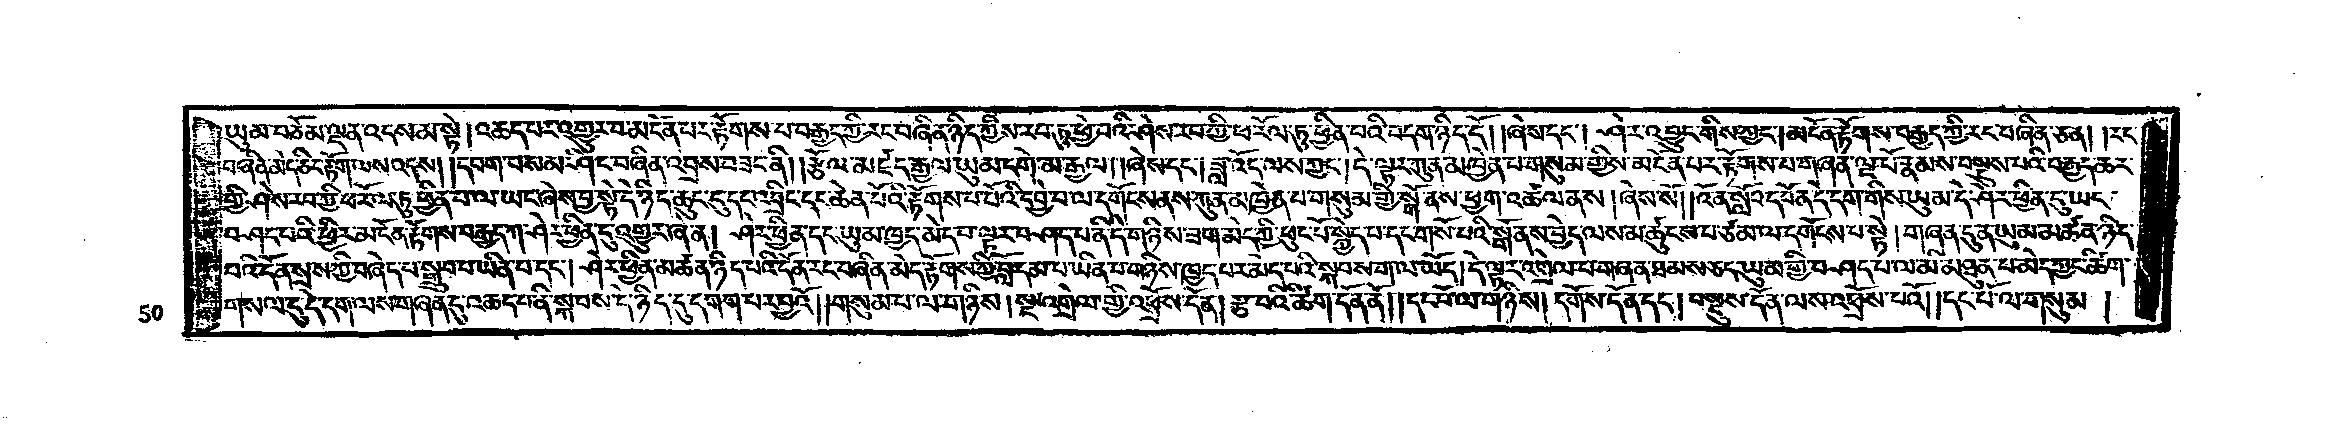ཡུམ་བཅོམ་ལྡན་འདས་མ་སྟེ། འཆད་པར་འགྱུར་བ་མངོན་པར་རྟོགས་པ་བརྒྱད་ཀྱི་རང་བཞིན་ཉིད་ཀྱིས་རབ་ཏུ་ཕྱེ་བའི་ཤེས་རབ་ཀྱི་ཕ་རོལ་ཏུ་ཕྱིན་པའི་བདག་ཉིད་དོ། །ཞེས་དང་། ཤེར་འབྱུང་གིས་ཀྱང་། མངོན་རྟོགས་བརྒྱད་ཀྱི་རང་བཞིན་ཅན། །རང་
བཞིན་མེད་ཅིང་རྟོག་ལས་འདས། །དཔག་བསམ་ཤིང་བཞིན་འབྲས་བཟང་ནི། །རྩོལ་མཛད་རྒྱལ་ཡུམ་དགེ་མ་རྒྱལ། །ཞེས་དང་། ཟླ་འོད་ལས་ཀྱང་། དེ་ལྟར་ཀུན་མཁྱེན་པ་གསུམ་གྱིས་མངོན་པར་རྟོགས་པ་གཞན་ལྔ་པོ་རྣམས་བསྡུས་པའི་བརྒྱད་ཆར་
གྱི་ཤེས་རབ་ཀྱི་ཕ་རོལ་ཏུ་ཕྱིན་པ་ལ་ཡང་ཞེས་བྱ་སྟེ་དེ་ཉིད་ཆུང་དུ་དང་འབྲིང་དང་ཆེན་པོའི་རྟོགས་པ་པོའི་དབྱེ་བ་ལ་དགོངས་ནས་ཀུན་མཁྱེན་པ་གསུམ་གྱི་སྒོ་ནས་ཕྱག་འཚལ་ནས། ཞེས་སོ། །འོ་ན་སློབ་དཔོན་དེ་དག་གིས་ཡུམ་དེ་ཤེར་ཕྱིན་དུ་ཡང་
བཤད་པའི་ཕྱིར་མངོན་རྟོགས་བརྒྱད་ཀ་ཤེར་ཕྱིན་དུ་འགྱུར་ཞེ་ན། ཤེར་ཕྱིན་དང་ཡུམ་ཁྱད་མེད་པ་ལྟར་བཤད་པ་ནི་དེ་གཉིས་ཟག་མེད་ཀྱི་ཕུང་པོ་སྐྱེད་པ་དང་གསོ་པའི་སྒོ་ནས་བྱེད་ལས་མ་ཚུངས་པ་ཙམ་ལ་དགོངས་པ་སྟེ། གཞན་དུ་ན་ཡུམ་མཚན་ཉིད་
བའི་དོན་སྲས་ཀྱི་བཞེད་པ་སྒྲུབ་པ་ཡིན་པ་དང་། ཤེར་ཕྱིན་མཚན་ཉིད་པའི་དོན་རང་བཞིན་མེད་རྟོགས་ཀྱི་བློ་དམ་པ་ཡིན་པ་གཉིས་ཁྱད་པར་མེད་པའི་སྐབས་ག་ལ་ཡོད། དེ་ལྟར་འགྲེལ་པ་གཞན་ཐམས་ཅད་ཡུམ་གྱི་བཤད་པ་ལ་མི་མཐུན་པ་མེད་ཀྱང་ཚིག་
གསལ་དུ་དེ་དག་ལས་གཞན་དུ་འཆད་པ་ནི་སྐབས་དེ་ཉིད་དུ་དགག་པར་བྱའོ། །གསུམ་པ་ལ་གཉིས། སྔ་འགྲེལ་གྱི་འཕྲོས་དོན། རྩ་བའི་ཚིག་དོན་ནོ། །དང་པོ་ལ་གཉིས། དགོས་དོན་དང་། བསྡུས་དོན་ལས་འཕྲོས་པའོ། །དང་པོ་ལ་གསུམ།